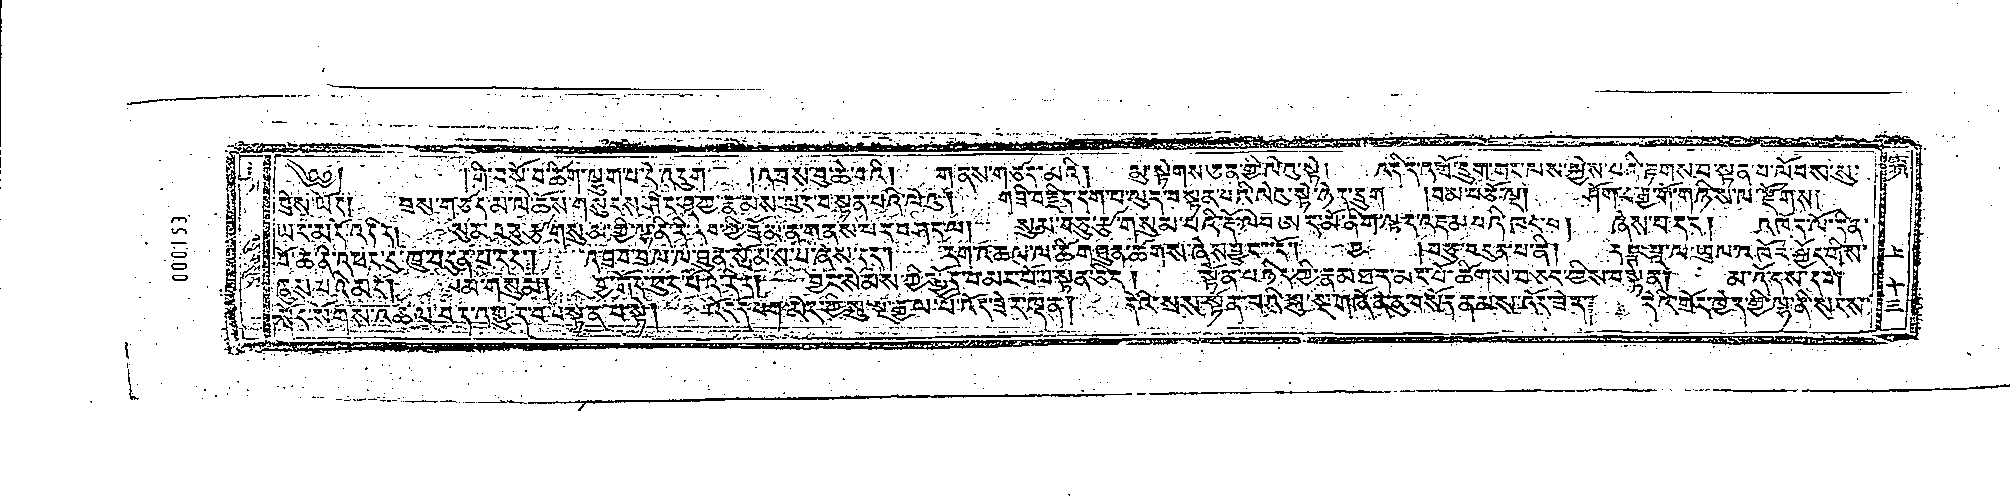༄༅། །གི་བསྔོ་བ་ཚིག་ལྷུག་པ་དེ་འདུག །འབྲས་བུ་ཆེ་བའི། གནས་གཙང་མའི། མུ་སྟེགས་ཅན་གྱི་ལེའུ་སྟེ། འདིར་འགྲོ་དྲུག་གང་ལས་སྐྱེས་པའི་རྟགས་བ་སྟན་པ་ལོགས་སུ་
བྲིས་ཡོད། ཟས་གཙང་མ་ལ་ཆོས་གསུངས་ཤིང་ཤཱཀྱ་རྣམས་ལུང་བསྟན་པའི་ལེའུ། གཟི་བརྗིད་དག་པ་ལུང་བསྟན་པའི་ལེའུ་སྟེ་ཉེར་དྲུག །བམ་བཅོ་ལྔ། ཤོག་བརྒྱ་གོ་གཉིས་ལ་རྫོགས།
ཡང་མདོ་འདིར། སུམ་བཅུ་རྩ་གསུམ་གྱི་ལྷ་ནི་རི་རབ་ཀྱི་ཟོམ་ན་གནས་པར་བཤད་ལ། སུམ་བཅུ་རྩ་གསུམ་པའི་རྡོ་ལེབ་ཨར་མོ་ནིག་ལྟར་འཇམ་པའི་ཁང་པ། ཞེས་པ་དང་། འཁོར་ལོ་རིན་
པོ་ཆེ་ནི་འཕང་དུ་ཁྲུ་བདུན་པ་དང་། འཐབ་བྲལ་ལ་ཐུན་སྤོམས་པ་ཞེས་དང་། དག་འཆལ་ལ་ཚིག་ཐུན་ཚགས་ཞེས་བྱུང་ངོ། ༧་།བཅུ་བདུན་པ་ནི། དབྚང?པཱ་ལ་ཡུལ་འཁོར་སྐྱོང་གིས་
ཞུས་པའི་མདོ། བམ་གསུམ། བྱ་རྒོད་ཕུང་པོའི་རིར། བྱང་སེམས་ཀྱི་སྤྱོད་པ་མང་པོ་བསྟན་ཅིང་། སྟོན་པ་ཉིད་ཀྱི་རྣམ་ཐར་མང་པོ་ཚིགས་བཅད་ཀྱིས་བསྟན། མ་འོངས་དགེ་
སློང་སོགས་འཆལ་བར་འགྱུར་བ་བསྟན་པ་སྟེ། འོད་དཔག་མེད་ཀྱི་སྐུ་སྔ་རྒྱལ་པོ་འོད་ཟེར་ལྡན། དེའི་སྲས་སྟོན་པའི་སྐུ་སྔ་གཞོན་ནུ་བསོད་ནམས་འོད་ཟེར། དེའི་གྲོང་ཁྱེར་གྱི་ལྷ་ནི་སངས་